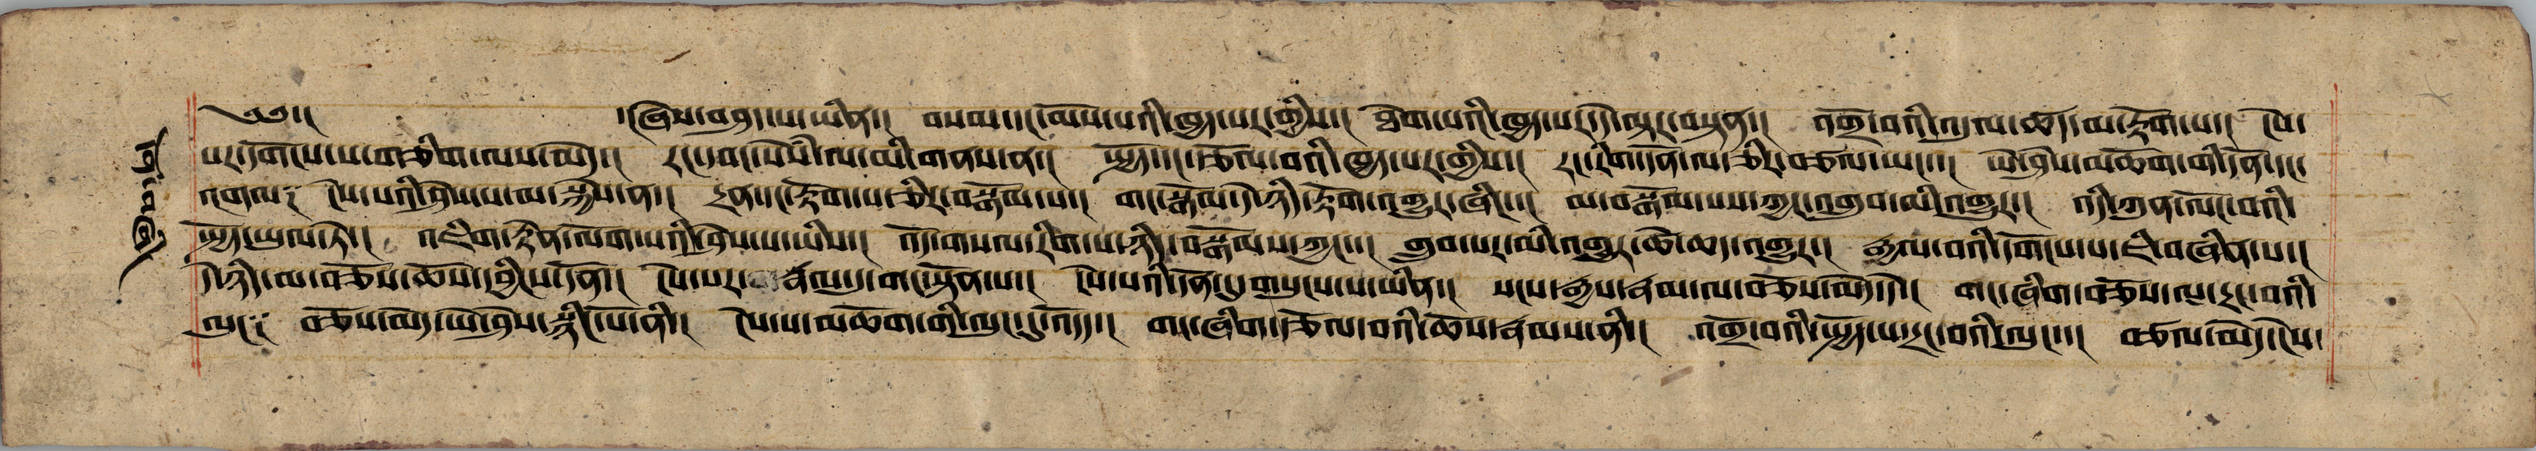༄༅་། ་།ཞེས་བཤད་པ་ཡིན་། བསམ་དང་མོས་པའི་ཁྱད་པར་གྱིས་། ཐེག་པའི་ཁྱད་པར་དེ་ལྟར་བསྟན་། འགྲོ་བའི་འདུལ་ཚད་མ་རྟོག་པ་། ངེས་
པར་དགོངས་པ་གཅིག་ལས་མེད་། རང་དབང་སེཾས་ལ་མི་གནས་ན་། སྤྱོད་དང་རྩོལ་བའི་ཁྱད་པར་གྱིས་། རང་རིག་དོན་ལ་ཅིར་བཙལ་ཡང་་། ཡེ་ཤེས་མཆོག་གི་དོན་དང་
་།གལ༑ ངེས་པའི་ཤེས་པ་མ་སྐྱེས་ན་། དྲན་དང་རྟོག་པ་ཅིར་བསྒོམ་པ་། གང་སྒོམ་དེ་ཉིད་རྟོག་འགྱུར་ཞིང་་། མ་བསྒོམ་པས་ཀྱང་འགྲུབ་མི་འགྱུར་། འདི་ཀུན་ལོང་བའི་
སྤྱོད་ཡུལ་ཏེ་། འཇིག་རྟེན་ལོག་པའི་ཤེས་པ་ཡིས་། འདོ་གསལ་རིག་པ་ཉིད་བསྒོམས་ཀྱང་་། གྲུབ་པར་མི་འགྱུར་ཚེ་ཆད་འགྱུར་། རྒྱལ་བའི་དགོངས་པ་ཇི་བཞིན་པ་།
དེ་ཉིད་མ་བཅོས་ཆོས་དབྱིངས་དོན་། ངེས་པར་རྣལ་དུ་གང་སྟོན་པ་། ངེས་པའི་དོན་དུ་གསུངས་པ་ཡིན་། སངས་རྒྱས་རྣམ་ལ་བཅོས་མེད་དེ་། གང་ཞིག་བཅོས་ལ་དྲང་བའི་
ལུང༑ བཅོས་མེད་ཡེ་ཤེས་སྙིང་པོ་ནི་། ངེས་པ་མཆོག་གི་ལུང་དུ་འདོད་། གང་ཞིག་རྩོལ་བའི་ཆོས་རྣམས་ནི་། འགྲོ་བའི་སྤྱོད་པ་དྲང་བའི་ལུང་་། བཙལ་མེད་ངེས་